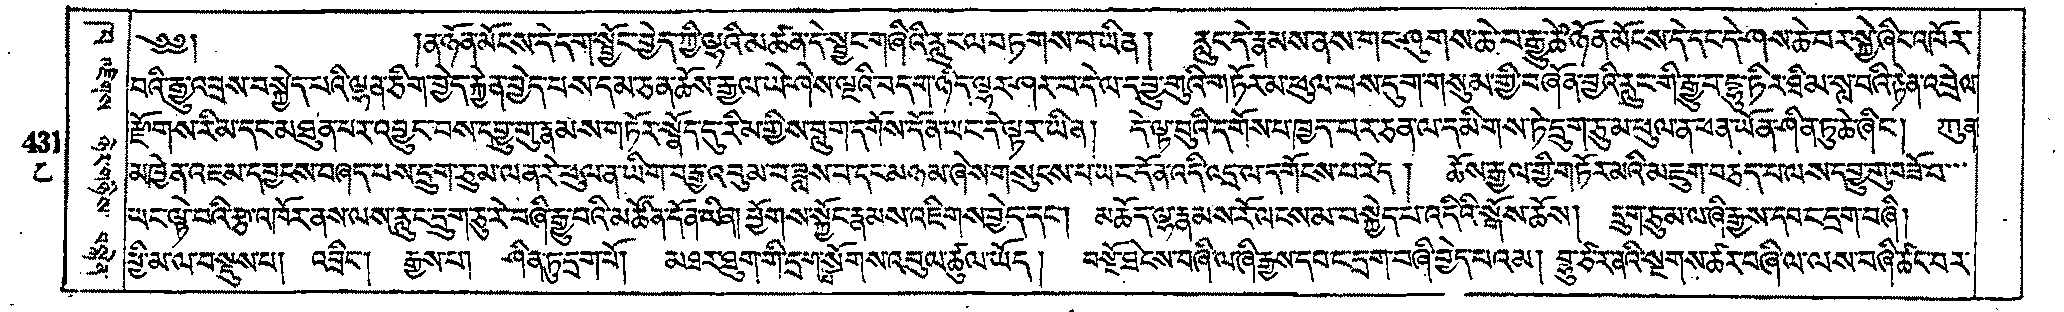༄༅། །ན་ཉོན་མོངས་དེ་དག་སྦྱོང་བྱེད་ཀྱི་ལྷའི་མཚན་དེ་སྦྱང་གཞིའི་རླུང་ལ་བཏགས་པ་ཡིན། རླུང་དེ་རྣམས་ནས་གང་ཤུགས་ཆེ་བ་རྒྱུ་ཚེ་ཉོན་མོངས་དེ་དང་དེ་ཤས་ཆེ་བར་སྐྱེ་ཞིང་འཁོར་
བའི་རྒྱུ་འབྲས་བསྐྱེད་པའི་ལྷན་ཅིག་རྐྱེན་བྱེད་པས་དམ་ཅན་ཆོས་རྒྱལ་ཡེ་ཤེས་ལྔའི་བདག་ཉིད་ལྷར་ཤར་བ་དེ་ལ་དབྱུ་གུའི་གཏོར་མ་ཕུལ་བས་དུག་གསུམ་གྱི་བཞོན་བྱའི་རླུང་གི་རྒྱུ་བ་དྷུ་ཏིར་ཐིམ་སླ་བའི་རྟེན་འབྲེལ་
རྫོགས་རིམ་དང་མཐུན་པར་འབྱུང་བས་དབྱུ་གུ་རྣམས་གཏོར་སྣོད་དུ་རིམ་གྱིས་བླུག་དགོས་དོན་ཡང་དེ་ལྟར་ཡིན། དེ་ལྟ་བུའི་དགོས་པ་ཁྱད་པར་ཅན་ལ་དམིགས་ཏེ་དྲུག་ཅུ་མ་ཕུལ་ན་ཕན་ཡོན་ཤིན་ཏུ་ཆེ་ཞིང་། ཀུན་
མཁྱེན་འཇམ་དབྱངས་བཞད་པས་དྲུག་ཅུ་མ་ལན་རེ་ཕུལ་ན་ཡིག་བརྒྱ་འབུམ་བཟླས་པ་དང་མཉམ་ཞེས་གསུངས་པ་ཡང་དོན་འདི་འདྲ་ལ་དགོངས་པར་རེད། ཆོས་རྒྱལ་གྱི་གཏོར་མའི་མཇུག་བཅད་པ་ལས་དབྱུ་གུ་བཟོ་བ་་་
ཡང་ལྟེ་བའི་རྩ་འཁོར་ནས་ལས་རླུང་དྲུག་ཅུ་རེ་བཞི་རྒྱུ་བའི་མཚོན་དོན་ཡིན། ཕྱོགས་སྐྱོང་རྣམས་འཇིགས་བྱེད་དང་། མཆོད་ལྷ་རྣམས་རོ་ལངས་མ་བསྐྱེད་པ་འདིའི་སོགས་ཆོས། དྲུག་ཅུ་མ་ལ་ཞི་རྒྱས་དབང་དྲག་བཞི།
ཕྱི་མ་ལ་བསྡུས་པ། འབྲིང་། རྒྱས་པ། ཤིན་ཏུ་དྲག་པོ། མཐར་ཐུག་གི་དྲག་པོ་སོགས་འབུལ་ཚུལ་ཡོད། བསྔོ་ཐེངས་བཞི་ལ་ཞི་རྒྱས་དབང་དྲག་བཞི་བྱེད་པའམ། བྷུ་ཙ་ར་ནའི་སྔགས་ཚར་བཞི་ལ་ལས་བཞི་ཚང་བར་